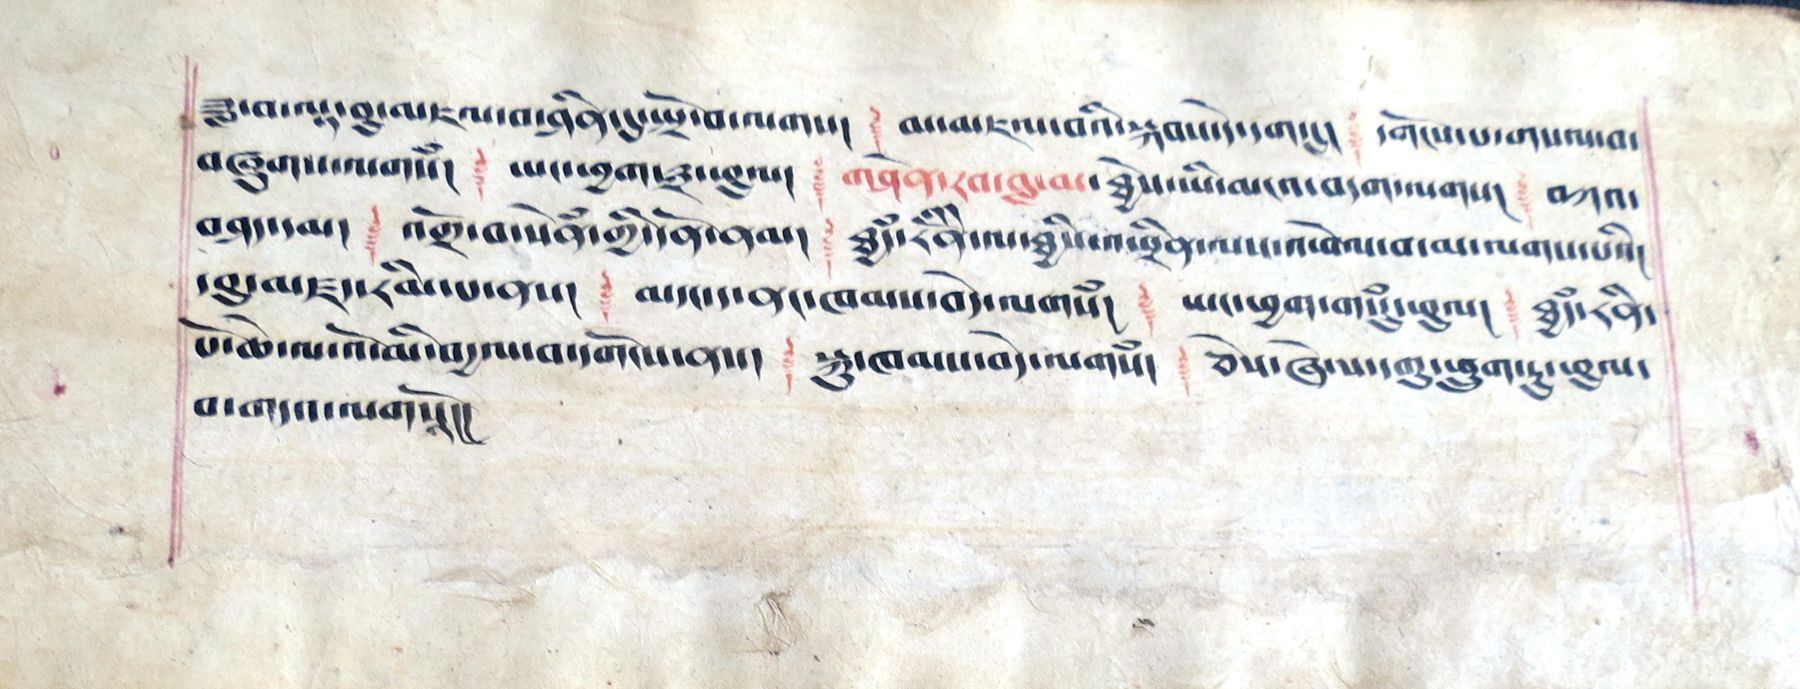ཟླ་བ་ལྟ་བུ་མཇལ་བ་ཤིན་ཏུ་སྤྲོ་བ་ལགས། མ་མཇལ་བའི་སྐབས་དེ་དག་ཏུ། དགོངས་པ་ལ་གསལ་བ་
བཞུགས་ལགས་སམ། ཡང་ཕྱག་གསུམ་ཕུལ། གཤེན་རབ་བླ་མ་ཐུགས་རྗེའི་མངའ་བདག་ལགས། བཀའ་
བཤད་དམ། འགྲོ་བའི་སེམས་ཅན་གྱི་དོན་ནམ། ཐུགས་དམ་རིན་པོ་ཆེ་ལ་ཐུགས་ཀྱི་ཕྲིན་ལས་ཆེ་བ་མ་ལགས་པའི། 
དབུ་མཛད་རིམ་པ་ནས། མདང་ད་ནངས་ཁམས་བདེ་ལགས་སམ། ཡང་ཕྱག་གསུམ་ཕུལ། ཐུགས་དམ་རིན་
པོ་ཆེ་ལ་འོ་མི་བརྒྱལ་བར་དགོངས་ནས། སྐུ་ཁམས་བདེ་ལགས་སམ། ཞེ་ས་དགུ་ཕྲུགས་ཏུ་ཕུལ་
བར་གདའ་ལགས་སོ། །